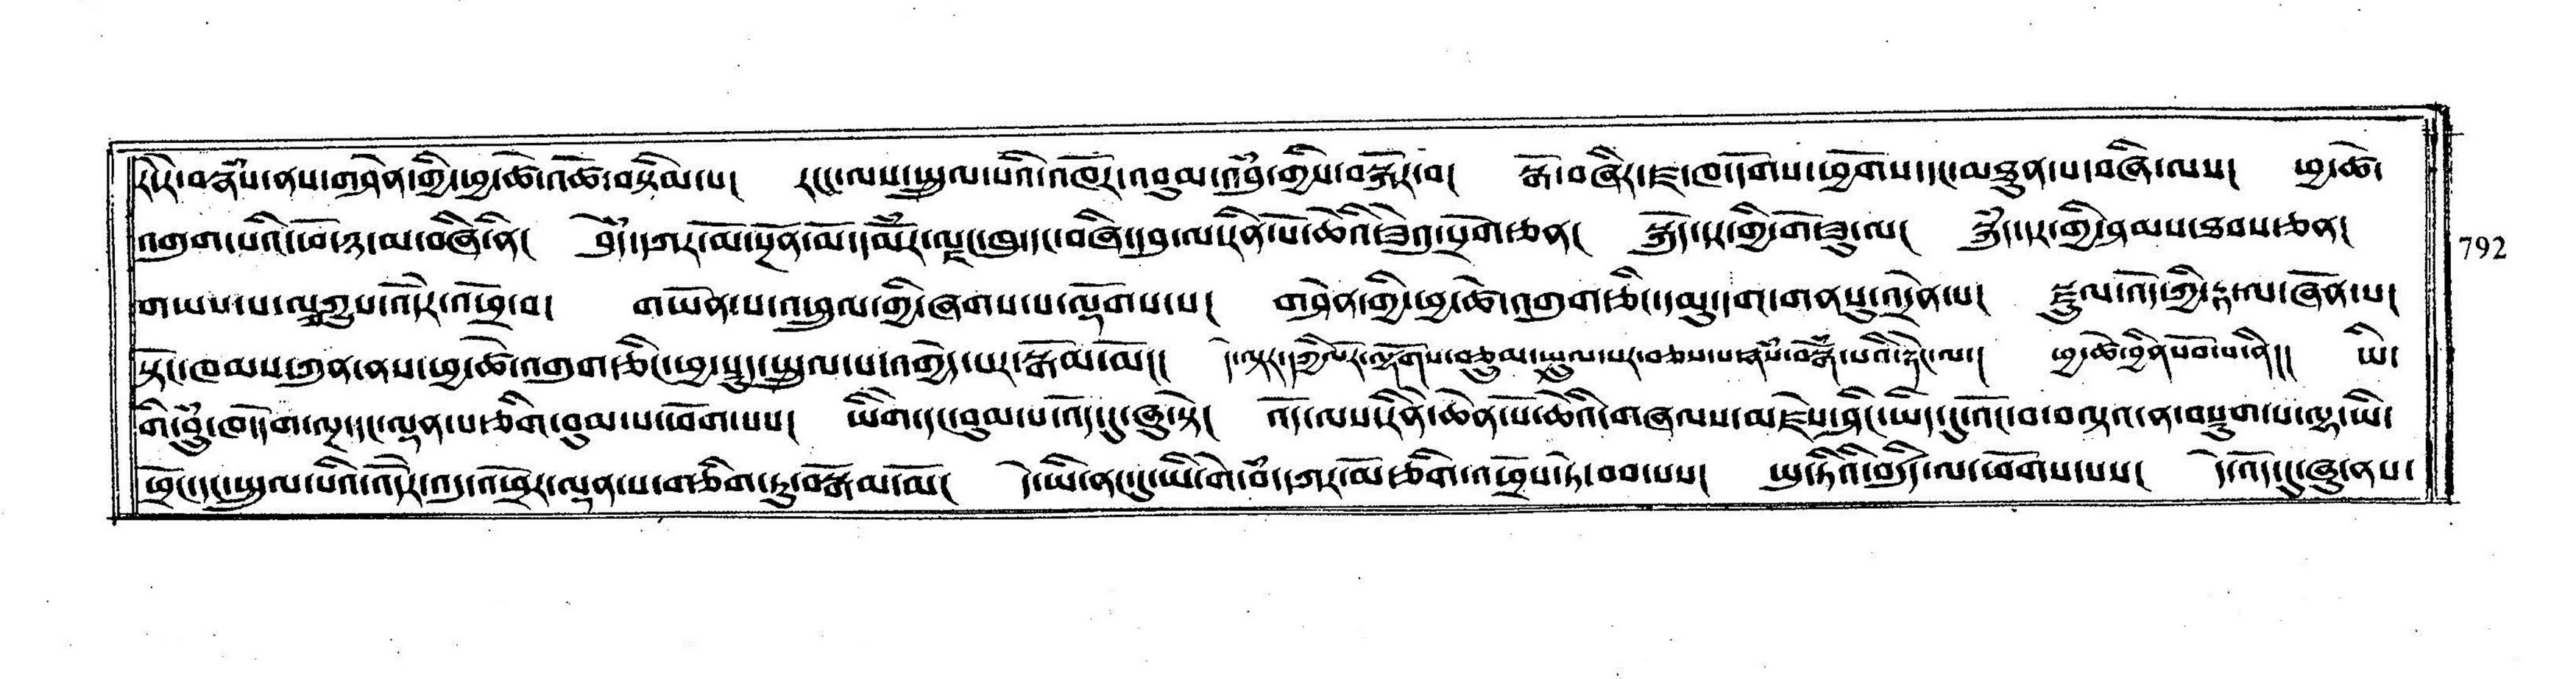རེ་རེ་བསྣམས་ནས་གཤེན་གྱི་ཕྱ་ཚེ་འཚོ་བསྟིམ་པ། རང་རང་ལས་སྤྲུལ་པའི་འཁོར་འབུམ་འབུམ་གྱིས་བསྐོར་བ། སྒོ་བཞིར་ཛ་ཁ་དོག་ཕྱོགས་དང་མཐུན་པ་བཞི་ལས། ཕྱ་ཚེ་
འགུག་པའི་ཕོ་ཉ་མ་བཞི་ནི། བུད་མེད་དཀར་མོ་སྔོན་མོ་དམར་མོ་ལྗང་ཁུ་དང་བཞི་དབུ་ལ་རིན་པོ་ཆེའི་ཟེའུ་པྲོག་ཅན། སྐུ་སྟོད་དར་གྱི་གོ་ཟུ་ལ། སྐུ་སྨད་དར་གྱི་ཤམས་ཐབས་ཅན། 
གཡས་པ་ལྕག་ཀྱུས་འོད་ཟེར་འཕྲོ་བ། གཡོན་པ་འཕྲུལ་གྱི་ཞགས་པ་ལྡོགས་པ། གཤེན་གྱི་ཕྱ་ཚེ་འགུག་ཅིང་དམུ་དག་གནས་སུ་འདྲེན་པ། རྫུ་འཕྲུལ་འོད་ཀྱི་རྟ་ལ་ཞོན་པ། 
སྟོང་ཁམས་ཀུན་ནས་ཕྱ་ཚེ་འགུག་ཅིང་ཕྱ་སྡུད་སྤྲུལ་པ་འགྱེད་པར་སྒོམ་མོ།། དེ་ལྟར་དཀྱིལ་འཁོར་ལྷ་ཚོགས་བཅུ་གསུམ་སྤྲུལ་པར་བཅས་པ་རྣམས་བསྒོམ་པའི་རྡེང་ལ། ཕྱ་ཚེ་བྱིན་རློབས་པ་ནི།། ཡི་
གི་བྲུཾ་ཁ་དོག་ལྔ་དང་ལྡན་པ་ཅིག་བུམ་པ་ཕོག་པས། ཡི་གེ་དང་བུམ་པ་འོད་དུ་ཞུ་སྟེ། འོད་ལས་རིན་པོ་ཆེའི་གཞལ་ཡས་མཛེས་ཤིང་ཡིད་དུ་འོང་བ་བལྟའ་ན་སྡུག་པ་ལྷ་ཡི་
ཕོ་བྲང་དང་སྤྲུལ་པའི་འོད་ཟེར་འདུ་འཕྲོར་ལྡན་པ་གཅིག་ཏུ་བསྒོམ་མོ། དེ་ཡི་ནང་དུ་ཡི་གེ་བཾ་དཀར་མོ་ཅིག་འཕྲོས་ཏེ་བབ་པས། ཡུ་ཏིའི་བདུད་རྩི་ལ་ཕོགས་པས། དེ་འོད་དུ་ཞུ་ནས་